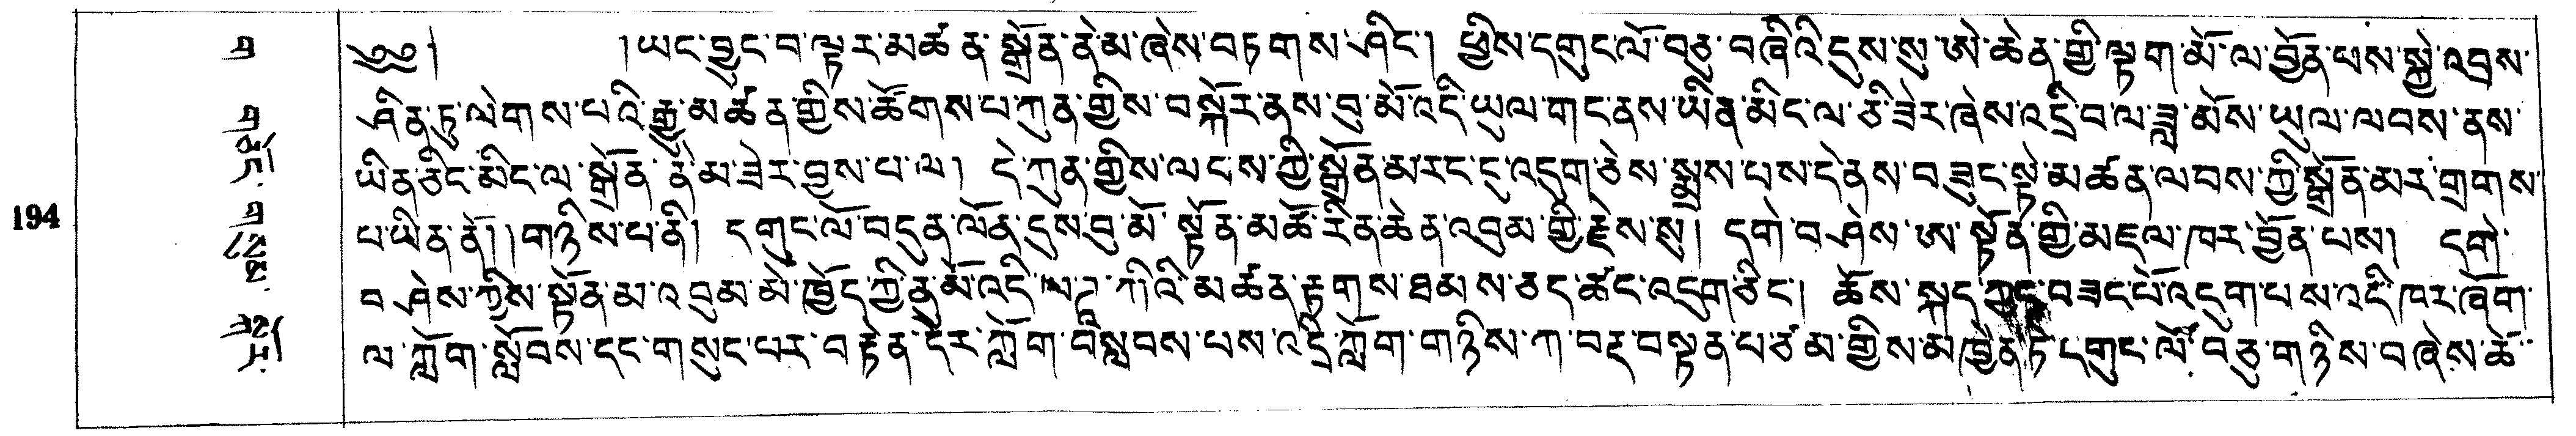༄༅། །ཡང་བྱུང་བ་ལྟར་མཚན་སྒྲོན་ནེ་མ་ཞེས་བཏགས་ཤིང་། ཕྱིས་དགུང་ལོ་བཅུ་བཞིའི་དུས་སུ་ཨེ་ཆེན་གྱི་ལྟག་མོ་ལ་བྱོན་པས་སྐྱེ་འབྲས་
ཤིན་ཏུ་ལེགས་པའི་རྒྱུ་མཚན་གྱིས་ཚོགས་པ་ཀུན་གྱིས་བསྐོར་ནས་བུ་མོ་འདི་ཡུལ་གང་ནས་ཡིན་མིང་ལ་ཅི་ཟེར་ཞེས་འདྲི་བ་ལ་ཟླ་མོས་ཡུལ་ལབས་ནས་
ཡིན་ཅིང་མིང་ལ་སྒྲོན་ནེ་མ་ཟེར་བྱས་པ་ལ། དེ་ཀུན་གྱིས་ལབས་ཀྱི་སྒྲོན་མ་རང་དུ་འདུག་ཅེས་སྨྲས་པས་དེ་ནས་བཟུང་སྟེ་མཚན་ལབས་ཀྱི་སྒྲོན་མར་གྲགས་
པ་ཡིན་ནོ། །གཉིས་པ་ནི། དགུང་ལོ་བདུན་ལོན་དུས་བུ་མོ་སྟོན་མཚོ་རིན་ཆེན་འབུམ་གྱི་རྗེས་སུ། དགེ་བཤེས་ཨ་སྟོན་གྱི་མཇལ་ཁར་བྱོན་པས། དགེ་
བཤེས་ཀྱིས་སྟོན་མ་འབུམ་མེ་ཁྱོད་ཀྱི་ནུ་མོ་འདི་ལ་ཌཱ་ཀིའི་མཚན་རྟགས་ཐམས་ཅད་ཚང་འདུག་ཅིང་། ཆོས་སྐད་ཀྱང་བཟང་པོ་འདུག་པས་འདི་ཁར་ཞོག་
ལ་ཀློག་སློབས་དང་གསུང་པར་བརྟེན་དེར་ཀློག་བསླབས་པས་འདྲི་ཀློག་གཉིས་ཀ་བརྡ་བསྟན་པ་ཙམ་གྱིས་མཁྱེན་ཏེ་དགུང་ལོ་བཅུ་གཉིས་བཞེས་ཆོ་